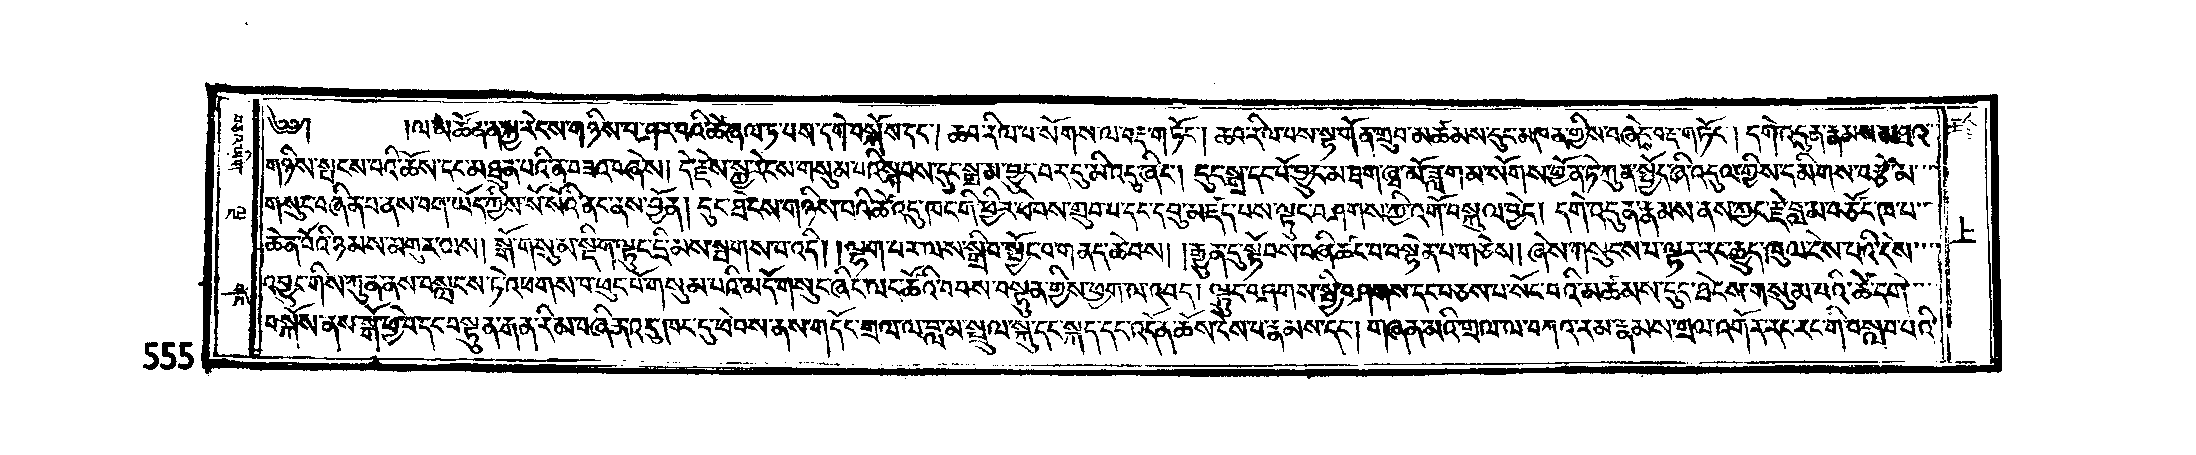༄༅། །ལ་མཚོན་ན་སྐྱ་རེངས་གཉིས་པ་ཤར་བའི་ཚེ་ཞལ་ཏ་པས་དགེ་བསྐོས་དང་། ཆབ་རིལ་པ་སོགས་ལ་བརྡ་གཏོང་། ཆབ་རིལ་པས་སྟ་གོན་གྲུབ་མཚམས་དུང་མཁན་གྱིས་བཞེངས་བརྡ་གཏོང་། དགེ་འདུན་རྣམས་མཐའ་
གཉིས་སྤངས་པའི་ཆོས་དང་མཐུན་པའི་ན་བཟའ་བཞེས། དེ་རྗེས་སྐྱ་རེངས་གསུམ་པའི་སྐབས་དུང་སྒྲ་མ་བྱུང་བར་དུ་མི་འདུ་ཞིང་། དུང་སྒྲ་དང་པོ་བྱུང་མ་ཐག་ཞྭ་མོ་ཟླ་གམ་སོགས་གྱོན་ཏེ་ཀུན་སྤྱོད་ཞི་འདུལ་གྱིས་དམིགས་བརྩེ་མ་
གསུང་བཞིན་པ་ནས་བག་ཡོད་ཀྱིས་སོ་སོའི་ནང་ནས་བྱོན། དུང་ཐེངས་གཉིས་པའི་ཚེ་འདུ་ཁང་གི་ཕྱིར་ཕེབས་གྲུབ་པ་དང་དབུ་མཛད་པས་ལྟུང་བཤགས་ཀྱི་འགོ་བསྐུལ་བྱེད། དགེ་འདུན་རྣམས་ནས་ཀྱང་རྗེ་བླ་མ་བཙོང་ཁ་པ་
ཆེན་པོའི་ཉམས་མགུར་ལས། སྒོ་གསུམ་སྡིག་ལྟུང་དྲི་མས་སྦགས་པ་འདི། །ལྷག་པར་ལས་སྒྲིབ་སྦྱོང་བ་གནད་ཆེ་བས། །རྒྱུན་དུ་སྟོབས་བཞི་ཚང་བ་བསྟེན་པ་གཅེས། །ཞེས་གསུངས་པ་ལྟར་རང་རྒྱུད་ཁུལ་ངེས་པའི་ངེས་
འབྱུང་གིས་ཀུན་ནས་བསླངས་ཏེ་འཕགས་པ་ཕུང་པོ་གསུམ་པའི་མདོ་གསུང་ཞིང་ལང་ཚོའི་བབས་བསྟུན་གྱིས་ཕྱག་ལ་འབད། ལྟུང་བཤགས་སྤྱི་བཤགས་དང་བཅས་པ་སོང་བའི་མཚམས་དུང་ཐེངས་གསུམ་པའི་ཚེ་དགེ་
བསྐོས་ནས་སྒོ་ཕྱེ་བ་དང་བསྟུན་རྒན་རིམ་བཞིན་འདུ་ཁང་དུ་ཕེབས་ནས་གདོང་གྲལ་ལ་བླ་མ་སྤྲུལ་སྐུ་དང་སྐད་དང་འདོན་ཆོས་ངེས་པ་རྣམས་དང་། གཞན་མའི་གྲལ་ལ་བཀའ་རམ་རྣམས་གྲལ་འགོར་རང་རང་གི་བསླབ་པའི་